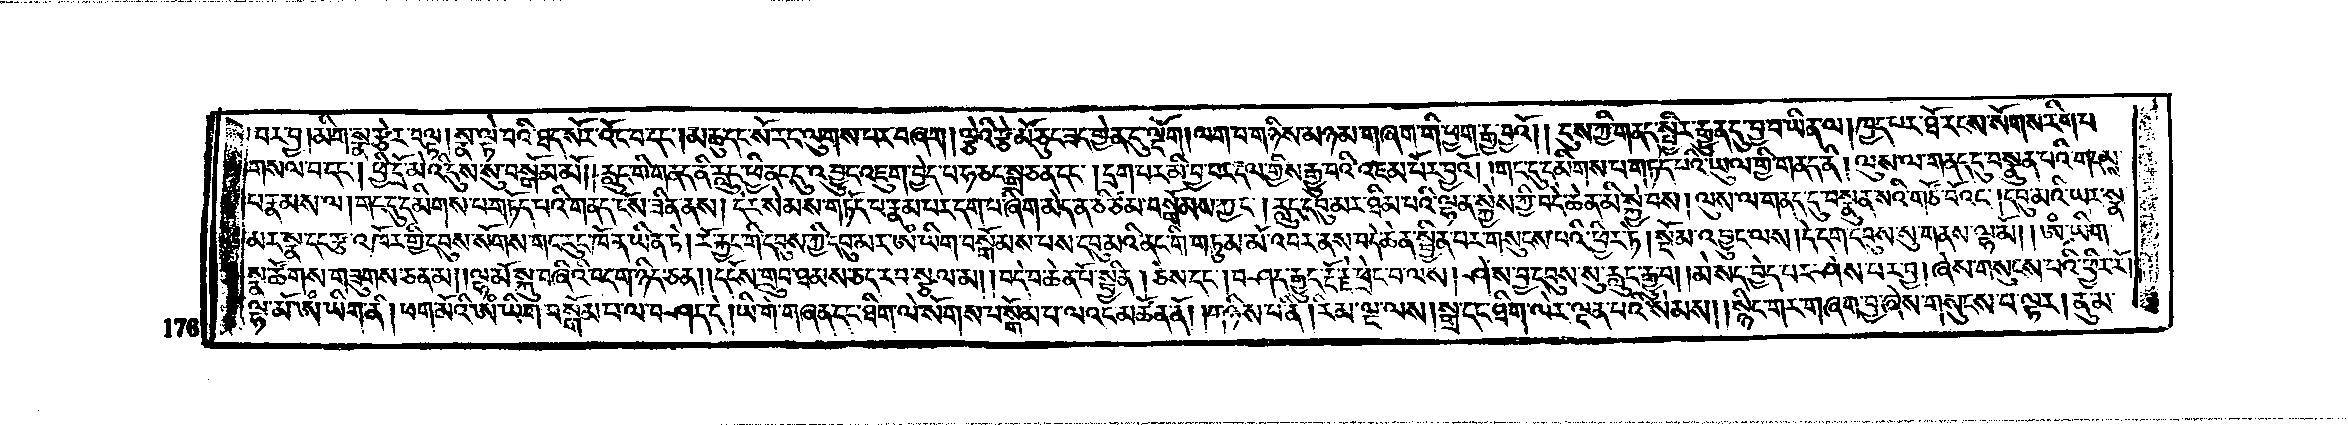བར་བྱ། མིག་སྣ་རྩེར་བལྟ། སྣ་ལྟེ་བའི་ཐད་སོར་འོང་བ་དང་། མཆུ་དང་སོ་རང་ལུགས་པར་བཞག །ལྕེའི་རྩེ་མོ་ཅུང་ཟད་གྱེན་དུ་ལྡོག །ལག་པ་གཉིས་མཉམ་གཞག་གི་ཕྱག་རྒྱ་བྱའོ། །དུས་ཀྱི་གནད་སྤྱིར་རྒྱུན་དུ་བྱ་བ་ཡིན་ལ། ཁྱད་པར་ཐོ་རངས་སོགས་རིག་པ་
གསལ་བ་དང་། ཕྱི་དྲོ་མེའི་དུས་སུ་བསྒོམ་མོ། །རླུང་གི་གནད་ནི་རླུང་ཕྱི་ནང་དུ་འབྱུང་འཇུག་བྱེད་པ་ཧ་ཅང་སྒྲ་ཅན་དང་། དྲག་པར་མི་བྱ་བར་རྡལ་གྱིས་རྒྱུ་བའི་འཇམ་པོར་བྱའོ། །གང་དུ་དམིགས་པ་གཏོད་པའི་ཡུལ་གྱི་གནད་ནི། ལུས་ལ་གནད་དུ་བསྣུན་པའི་གདམས་
པ་རྣམས་ལ། གང་དུ་དམིགས་པ་གཏོད་པའི་གནད་ངོས་ཟིན་ནས། ངེར་སེམས་གཏོད་པ་རྣམ་པར་དག་པ་ཞིག་མེད་ན་ཅི་ཙམ་བསྒོམས་ཀྱང་། རླུང་དབུ་མར་ཐིམ་པའི་ལྷན་སྐྱེས་ཀྱི་བདེ་ཆེན་མི་སྐྱེ་བས། ལུས་ལ་གནད་དུ་བསྣུན་སའི་གཙོ་བོའང་། དབུ་མའི་ཡར་སྣ་
མར་སྣ་དང་རྩ་འཁོར་གྱི་དབུས་སོགས་གང་རུང་ཁོ་ན་ཡིན་ཏེ། རོ་རྐྱང་གི་དབུས་ཀྱི་དབུ་མར་ཨཾ་ཡིག་བསྒོམས་པས་དབུ་མའི་ནང་གི་གཏུམ་མོ་འབར་ནས་བདེ་ཆེན་སྦྱིན་པར་གསུངས་པའི་ཕྱིར་ཏེ། སྡོམ་འབྱུང་ལས། དེ་དག་དབུས་སུ་གནས་ལྷ་མོ། །ཨཾ་ཡིག་
སྣ་ཚོགས་གཟུགས་ཅན་མ། །ལྷ་མོ་སྐུ་བཞིའི་བདག་ཉིད་ཅན། །དངོས་གྲུབ་ཐམས་ཅད་རབ་སྩལ་མ། །བདེ་བ་ཆེན་པོ་སྦྱིན། ཅེས་དང་། བཤད་རྒྱུད་རྡོ་རྗེ་ཕྲེང་བ་ལས། ཤེས་བྱ་དབུས་སུ་རླུང་རྒྱུ་བ། །མེ་སད་བྱེད་པར་ཤེས་པར་བྱ། ཞེས་གསུངས་པའི་ཕྱིར་རོ། །
ལྷ་མོ་ཨཾ་ཡིག་ནི། ཕག་མོའི་ཨཾ་ཡིག་བསྒོམ་པ་ལ་བཤད་དེ། ཡི་གེ་གཞན་དང་ཐིག་ལེ་སོགས་བསྒོམ་པ་ལའང་མཚོན་ནོ། །གཉིས་པ་ནི། རིམ་ལྔ་ལས། སྒྲ་དང་ཐིག་ལེར་ལྡན་པའི་སེམས། །སྙིང་གར་གཞག་བྱ་ཞེས་གསུངས་པ་ལྟར། ནུ་མ་